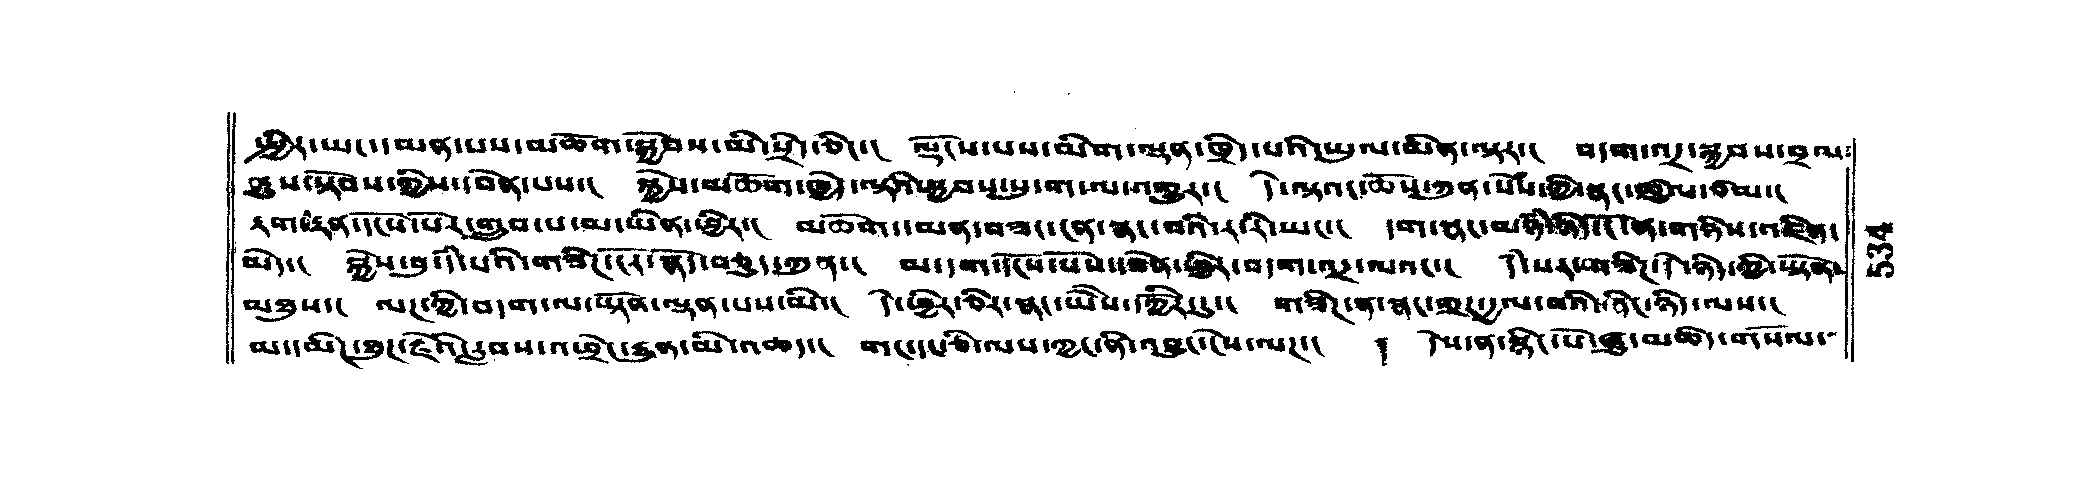།སྤྱིར་ཡང་དམན་པས་མཆོག་སྐྱོབས་མི་སྲིད་ཅིང་། །ལྡོངས་པས་མིག་ལྡན་ཁྲིད་པའི་ཡུལ་མིན་ལྟར། །བདག་འདྲ་སྐྱབས་བྲལ་
ནུས་སྟོབས་ཀྱིས་དབེན་པས། །སྐྱེས་མཆོག་ཁྱེད་ལྟའི་སྐྱབས་སུ་ག་ལ་འགྱུར། །དེ་ལྟའང་ཆོས་ཀུན་སེམས་ཀྱི་སྣང་ཚུལ་ཙམ། །
རྟག་བརྟན་དངོས་པོར་གྲུབ་པ་མ་ཡིན་ཕྱིར། །མཆོག་དམན་བཟང་ངན་སྣང་བའི་ར་རི་ཡང་། །དག་སྣང་མཉམ་ཉིད་ངོ་ན་གཉིས་འཛིན་
མེད། །སྐྱེས་བུ་དམ་པའི་གཟིགས་ངོར་སྣོད་བཅུད་ཀུན། །མ་དག་དངོས་པོས་དབེན་ཕྱིར་བདག་འདྲ་ལའང་། །དམ་པར་གཟིགས་དེ་ཉིད་ཀྱི་ཡོན་ཏན་
མཐུས། །ལགས་ཀྱི་བདག་ལ་ཡོན་ཏན་ལྡན་པས་མིན། །དེ་ཕྱིར་ཅིར་སྣང་ཡེ་ཤེས་དཀྱིལ་འཁོར་དུ། །གཟིགས་ནས་སྣང་གྲགས་རྒྱལ་བའི་ཞིང་ཉིད་ལས། །
མ་དམིགས་ཐུགས་རྗེའི་རླབས་འཕྲེང་རྒྱུན་མི་ཆད། །གང་དག་ཅི་ལས་ཀྱང་ནི་འབྱུང་ངེས་ལགས། །དེས་ན་སྙིང་པོ་ཞུ་མཆིད་གསོལ་